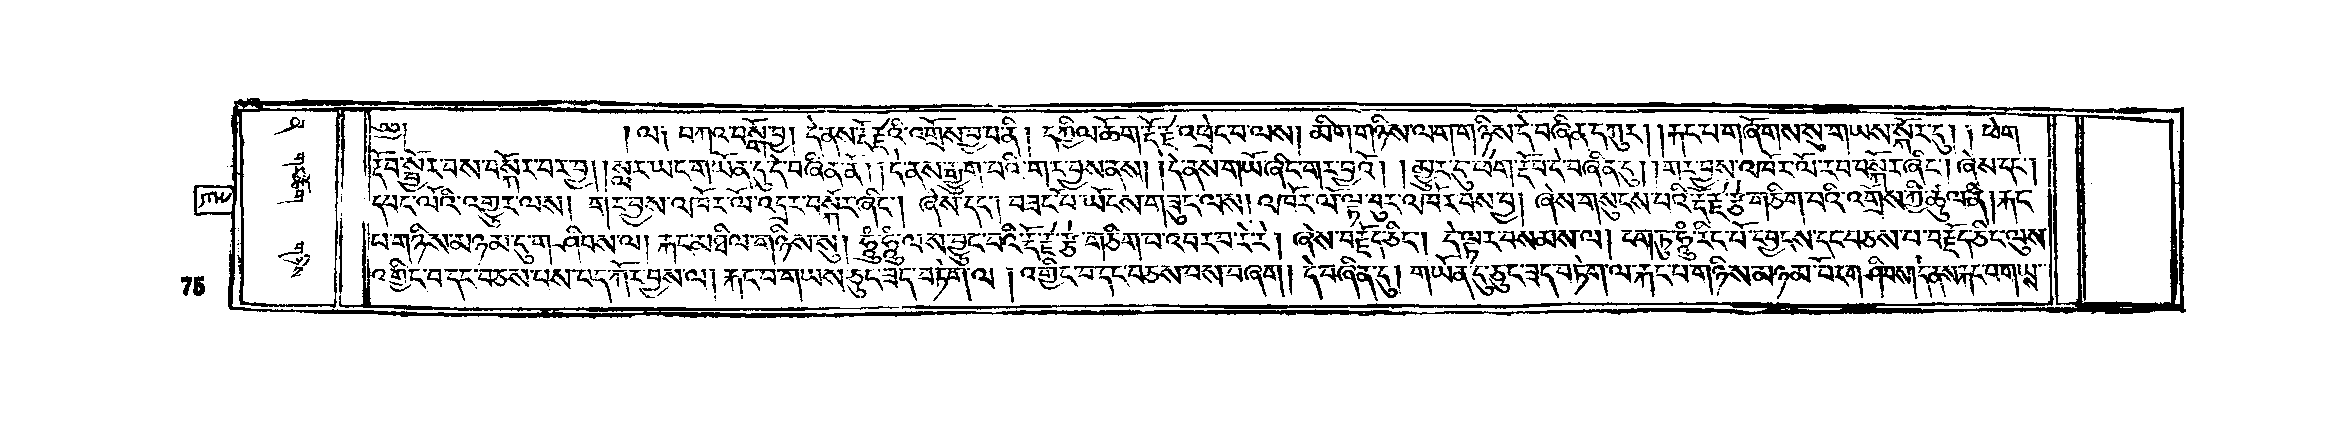༄༅། །ལ༑ བཀའ་བསྒོ་བྱ། དེ་ནས་རྡོ་རྗེའི་འགྲོས་བྱ་བ་ནི། དཀྱིལ་ཆོག་རྡོ་རྗེ་འཕྲེང་བ་ལས། མིག་གཉིས་ལག་གཉིས་དེ་བཞིན་དཀུར། །རྐང་པ་གཞོགས་སུ་གཡས་སྐོར་དུ། །ཕེག་
རྡོབ་སྦྱོར་བས་བསྐོར་བར་བྱ། །སླར་ཡང་གཡོན་དུ་དེ་བཞིན་ནོ། །དེ་ནས་རྒྱུག་པའི་གར་བྱས་ནས། །དེ་ནས་གཡོ་ཞིང་གར་བྱའོ། །མྱུར་དུ་ཕེག་རྡོབ་དེ་བཞིན་དུ། །གར་བྱས་འཁོར་ལོ་རབ་བསྐོར་ཞིང་། ཞེས་དང་།
དཔང་ལོའི་འགྱུར་ལས། གར་བྱས་འཁོར་ལོ་འདྲར་བསྐོར་ཞིང་། ཞེས་དང་། བཟང་པོ་ཡོངས་གཟུང་ལས། འཁོར་ལོ་ལྟ་བུར་འཁོར་བས་བྱ། ཞེས་གསུངས་པའི་རྡོ་རྗེ་རྩེ་གཅིག་པའི་འགྲོས་ཀྱི་ཚུལ་ནི། རྐང་
པ་གཉིས་མཉམ་དུ་གཤིབས་ལ། རྐང་མཐིལ་གཉིས་སུ། ཧཱུཾ་ཧཱུཾ་ལས་བྱུང་བའི་རྡོ་རྗེ་རྩེ་གཅིག་པ་འབར་བ་རེ་རེ། ཞེས་བརྗོད་ཅིང་། དེ་ལྟར་བསམས་ལ། ངག་ཏུ་ཧཱུཾ་རིང་པོ་དབྱངས་དང་བཅས་པ་བརྗོད་ཅིང་ལུས་
འགྱིང་བ་དང་བཅས་པས་པད་ཀོར་བྱས་ལ། རྐང་པ་གཡས་ཅུང་ཟད་བཏེག་ལ། འགྱིང་བ་དང་བཅས་པས་བཞག །དེ་བཞིན་དུ། གཡོན་དུ་ཅུང་ཟད་བཏེག་ལ་རྐང་པ་གཉིས་མཉམ་པོར་གཤིབས། དེ་ནས་རྐང་པ་གཡས་